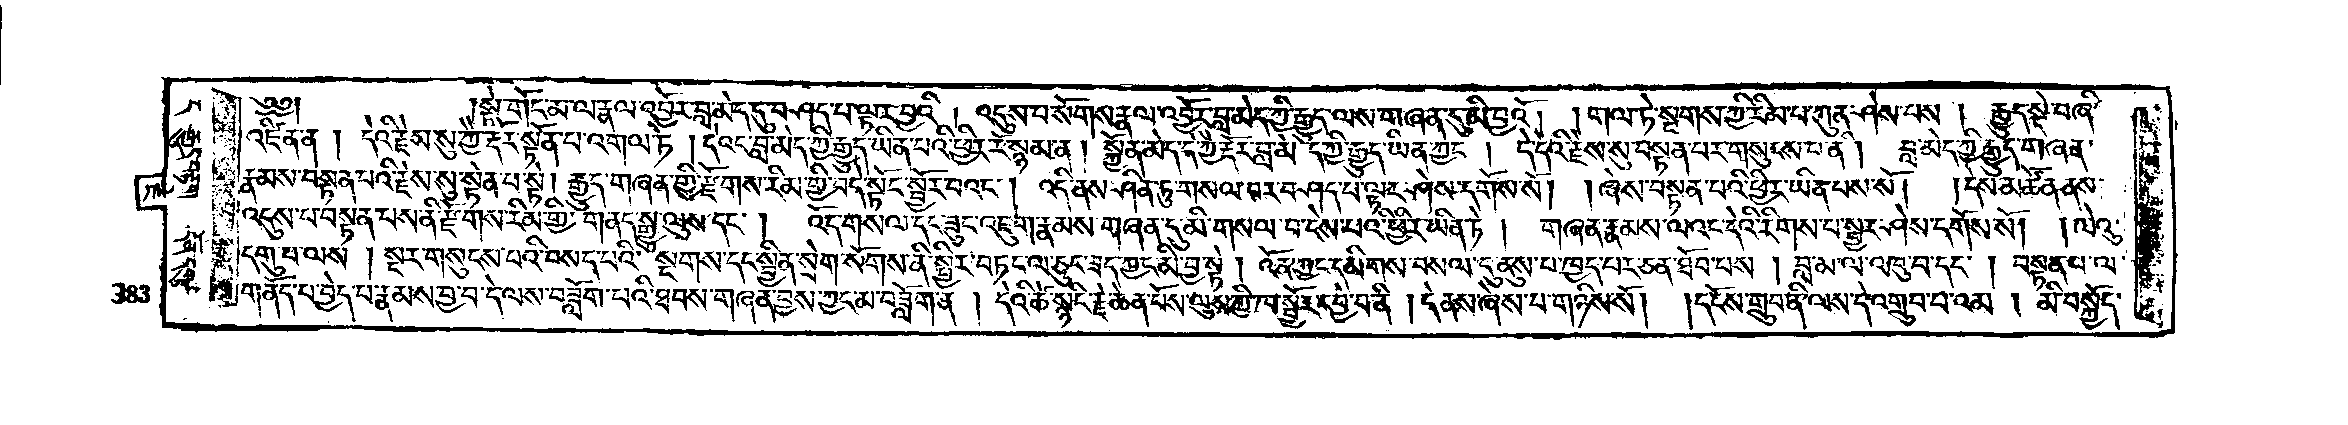༄༅། །སྟེ་གོང་མ་ལ་རྣལ་འབྱོར་བླ་མེད་དུ་བཤད་པ་ལྟར་བྱའི། འདུས་པ་སོགས་རྣལ་འབྱོར་བླ་མེད་ཀྱི་རྒྱུད་ལས་གཞན་དུ་མི་བྱའོ། །གལ་ཏེ་སྔགས་ཀྱི་རིམ་པ་ཀུན་ཤེས་པས། རྒྱུད་སྡེ་བཞི་
འཛིན་ན། དེའི་རྗེས་སུ་ཀྱཻ་རྡོར་སྟོན་པ་འགལ་ཏེ། དེའང་བླ་མེད་ཀྱི་རྒྱུད་ཡིན་པའི་ཕྱིར་རོ་སྙམ་ན། སྐྱོན་མེད་དེ་ཀྱཻ་རྡོར་བླ་མེད་ཀྱི་རྒྱུད་ཡིན་ཀྱང་། དེ་དེའི་རྗེས་སུ་བསྟན་པར་གསུངས་པ་ནི། བླ་མེད་ཀྱི་རྒྱུད་གཞན་
རྣམས་བསྟན་པའི་རྗེས་སུ་སྟེན་པ་སྟེ། རྒྱུད་གཞན་གྱི་རྫོགས་རིམ་གྱི་བདེ་སྟོང་སྦྱོར་བའང་། འདི་ནས་ཤིན་ཏུ་གསལ་བར་བཤད་པ་ལྟར་ཤེས་དགོས་སོ། །ཞེས་བསྟན་པའི་ཕྱིར་ཡིན་པས་སོ། །དེས་མཚོན་ནས་
འདུས་པ་བསྟན་པས་ནི་རྫོགས་རིམ་གྱི་གནད་སྒྱུ་ལུས་དང་། འོད་གསལ་དང་ཟུང་འཇུག་རྣམས་གཞན་དུ་མི་གསལ་བ་ངེས་པའི་ཕྱིར་ཡིན་ཏེ། གཞན་རྣམས་ལའང་དེའི་རིགས་པ་སྦྱར་ཤེས་དགོས་སོ། །ལེའུ་
དགུ་པ་ལས། སྔར་གསུངས་པའི་བསད་པའི་སྔགས་དང་སྦྱིན་སྲེག་སོགས་ནི་སྤྱིར་བཏང་ལ་ཅུང་ཟད་ཀྱང་མི་བྱ་སྟེ། འོན་ཀྱང་དམིགས་བསལ་དུ་ནུས་པ་ཁྱད་པར་ཅན་ཐོབ་པས། བླ་མ་ལ་འཁུ་བ་དང་། བསྟན་པ་ལ་
གནོད་པ་བྱེད་པ་རྣམས་བྱ་བ་དེ་ལས་བཟློག་པའི་ཐབས་གཞན་བྱས་ཀྱང་མ་བཟློག་ན། དེའི་ཚེ་སྙིང་རྗེ་ཆེན་པོས་ལུས་ཀྱི་ཁ་སྦྱོར་དབྱེ་བ་ནི། དེ་ནས་ཞེས་པ་གཉིས་སོ། །དངོས་གྲུབ་ནི་ལས་དེ་འགྲུབ་པའམ། མི་བསྐྱོད་